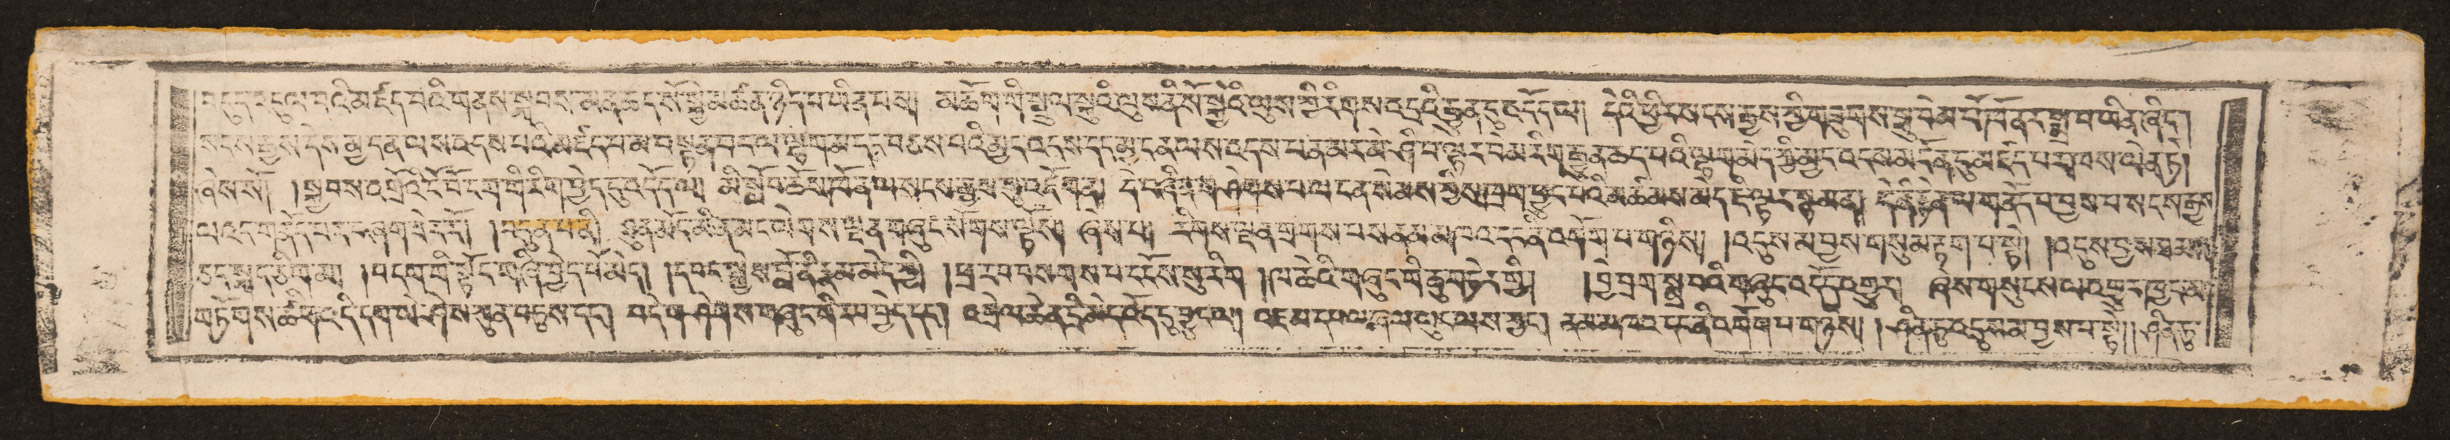བདུད་འདུལ་བའི་མཛད་པའི་གནས་སྐབས་མན་ཆད་སོ་སྐྱེ་མཚན་ཉིད་པ་ཡིན་པས། མཆོག་གི་སྤྲུལ་སྐུའི་ལུས་ནི་སོ་སྐྱེའི་ལུས་ཀྱི་རིགས་འདྲའི་རྒྱུན་དུ་འདོད་ལ། དེའི་ཕྱིར་སངས་རྒྱས་ཀྱི་གཟུགས་སྐུ་བེམ་པོ་ཁོ་ནར་སྨྲ་བ་ཡིན་ཞིང་།
སངས་རྒྱས་དེས་མྱ་ངན་ལས་འདས་པའི་མཛད་པ་མ་བསྟན་པར་ལ་ལྷག་མ་དང་བཅས་པའི་མྱང་འདས་དང་མྱ་ངན་ལས་འདས་པ་ན་མར་མེ་ཤི་བ་ལྟར་བེམ་རིག་རྒྱུན་ཆད་པའི་ལྷག་མེད་ཀྱི་མྱང་འདས་མངོན་དུ་མཛད་པར་ཁས་ལེན་ཏེ།
ཞེས་སོ། །སྐྱབས་འགྲོའི་ངོ་བོ་དག་གི་རིག་བྱེད་དུ་འདོད་ལ། མི་སློབ་ཆོས་ཁོ་ན་ལ་སངས་རྒྱས་སུ་འཇོག་ན། དེ་བཞིན་གཤེགས་པ་ལ་ངན་སེམས་ཀྱིས་ཁྲག་ཕྱུང་པའི་མཚམས་མེད་ཇི་ལྟར་སྙམ་ན། དེ་ནི་རྟེན་ལ་གནོད་པ་བྱས་པ་སངས་རྒྱས་
ལའང་གནོད་པར་བཞག་ཟེར་རོ། །བདུན་པ་ནི། ཐུན་མོང་མིན་མང་ལེགས་ལྡན་གཞུང་སོགས་ལྟོས། ཞེས་པ། རིགས་ལྡན་གྲགས་པས་ནམ་མཁའ་དང་ནི་འགོག་པ་གཉིས། །འདུས་མ་བྱས་གསུམ་རྟག་པ་སྟེ། །འདུས་བྱས་ཐམས་
ཅད་སྐད་ཅིག་མ། །བདག་གི་སྟོང་གཞི་བྱེད་པོ་མེད། །དབང་སྐྱེས་བློ་ནི་རྣམ་མེད་ཀྱི། །ཕྲ་རབ་བསགས་པ་དངོས་སུ་རིག །ཁ་ཆེའི་གཞུང་གི་ཆུ་གཏེར་གྱི། །བྱེ་བྲག་སྨྲ་བའི་གཞུང་འདོད་འགྱུར། ཞེས་གསུངས་ལ་འགྱུར་ཁྱད་མ་
གཏོགས་ཚིག་འདི་དག་ཡེ་ཤེས་ཀུན་བཏུས་དང་། བདེ་གཤེགས་གཞུང་གི་རབ་བྱེད་དང་། འགྲེལ་ཆེན་དྲི་མེད་འོད་དུ་བྱུང་ལ། འཇམ་དཔལ་ཞལ་ལུང་ལས་ཀྱང་། ནམ་མཁའ་དང་ནི་འགོག་པ་གཉིས། །ཤིན་ཏུ་འདུས་མ་བྱས་པ་སྟེ། །ཤིན་ཏུ་